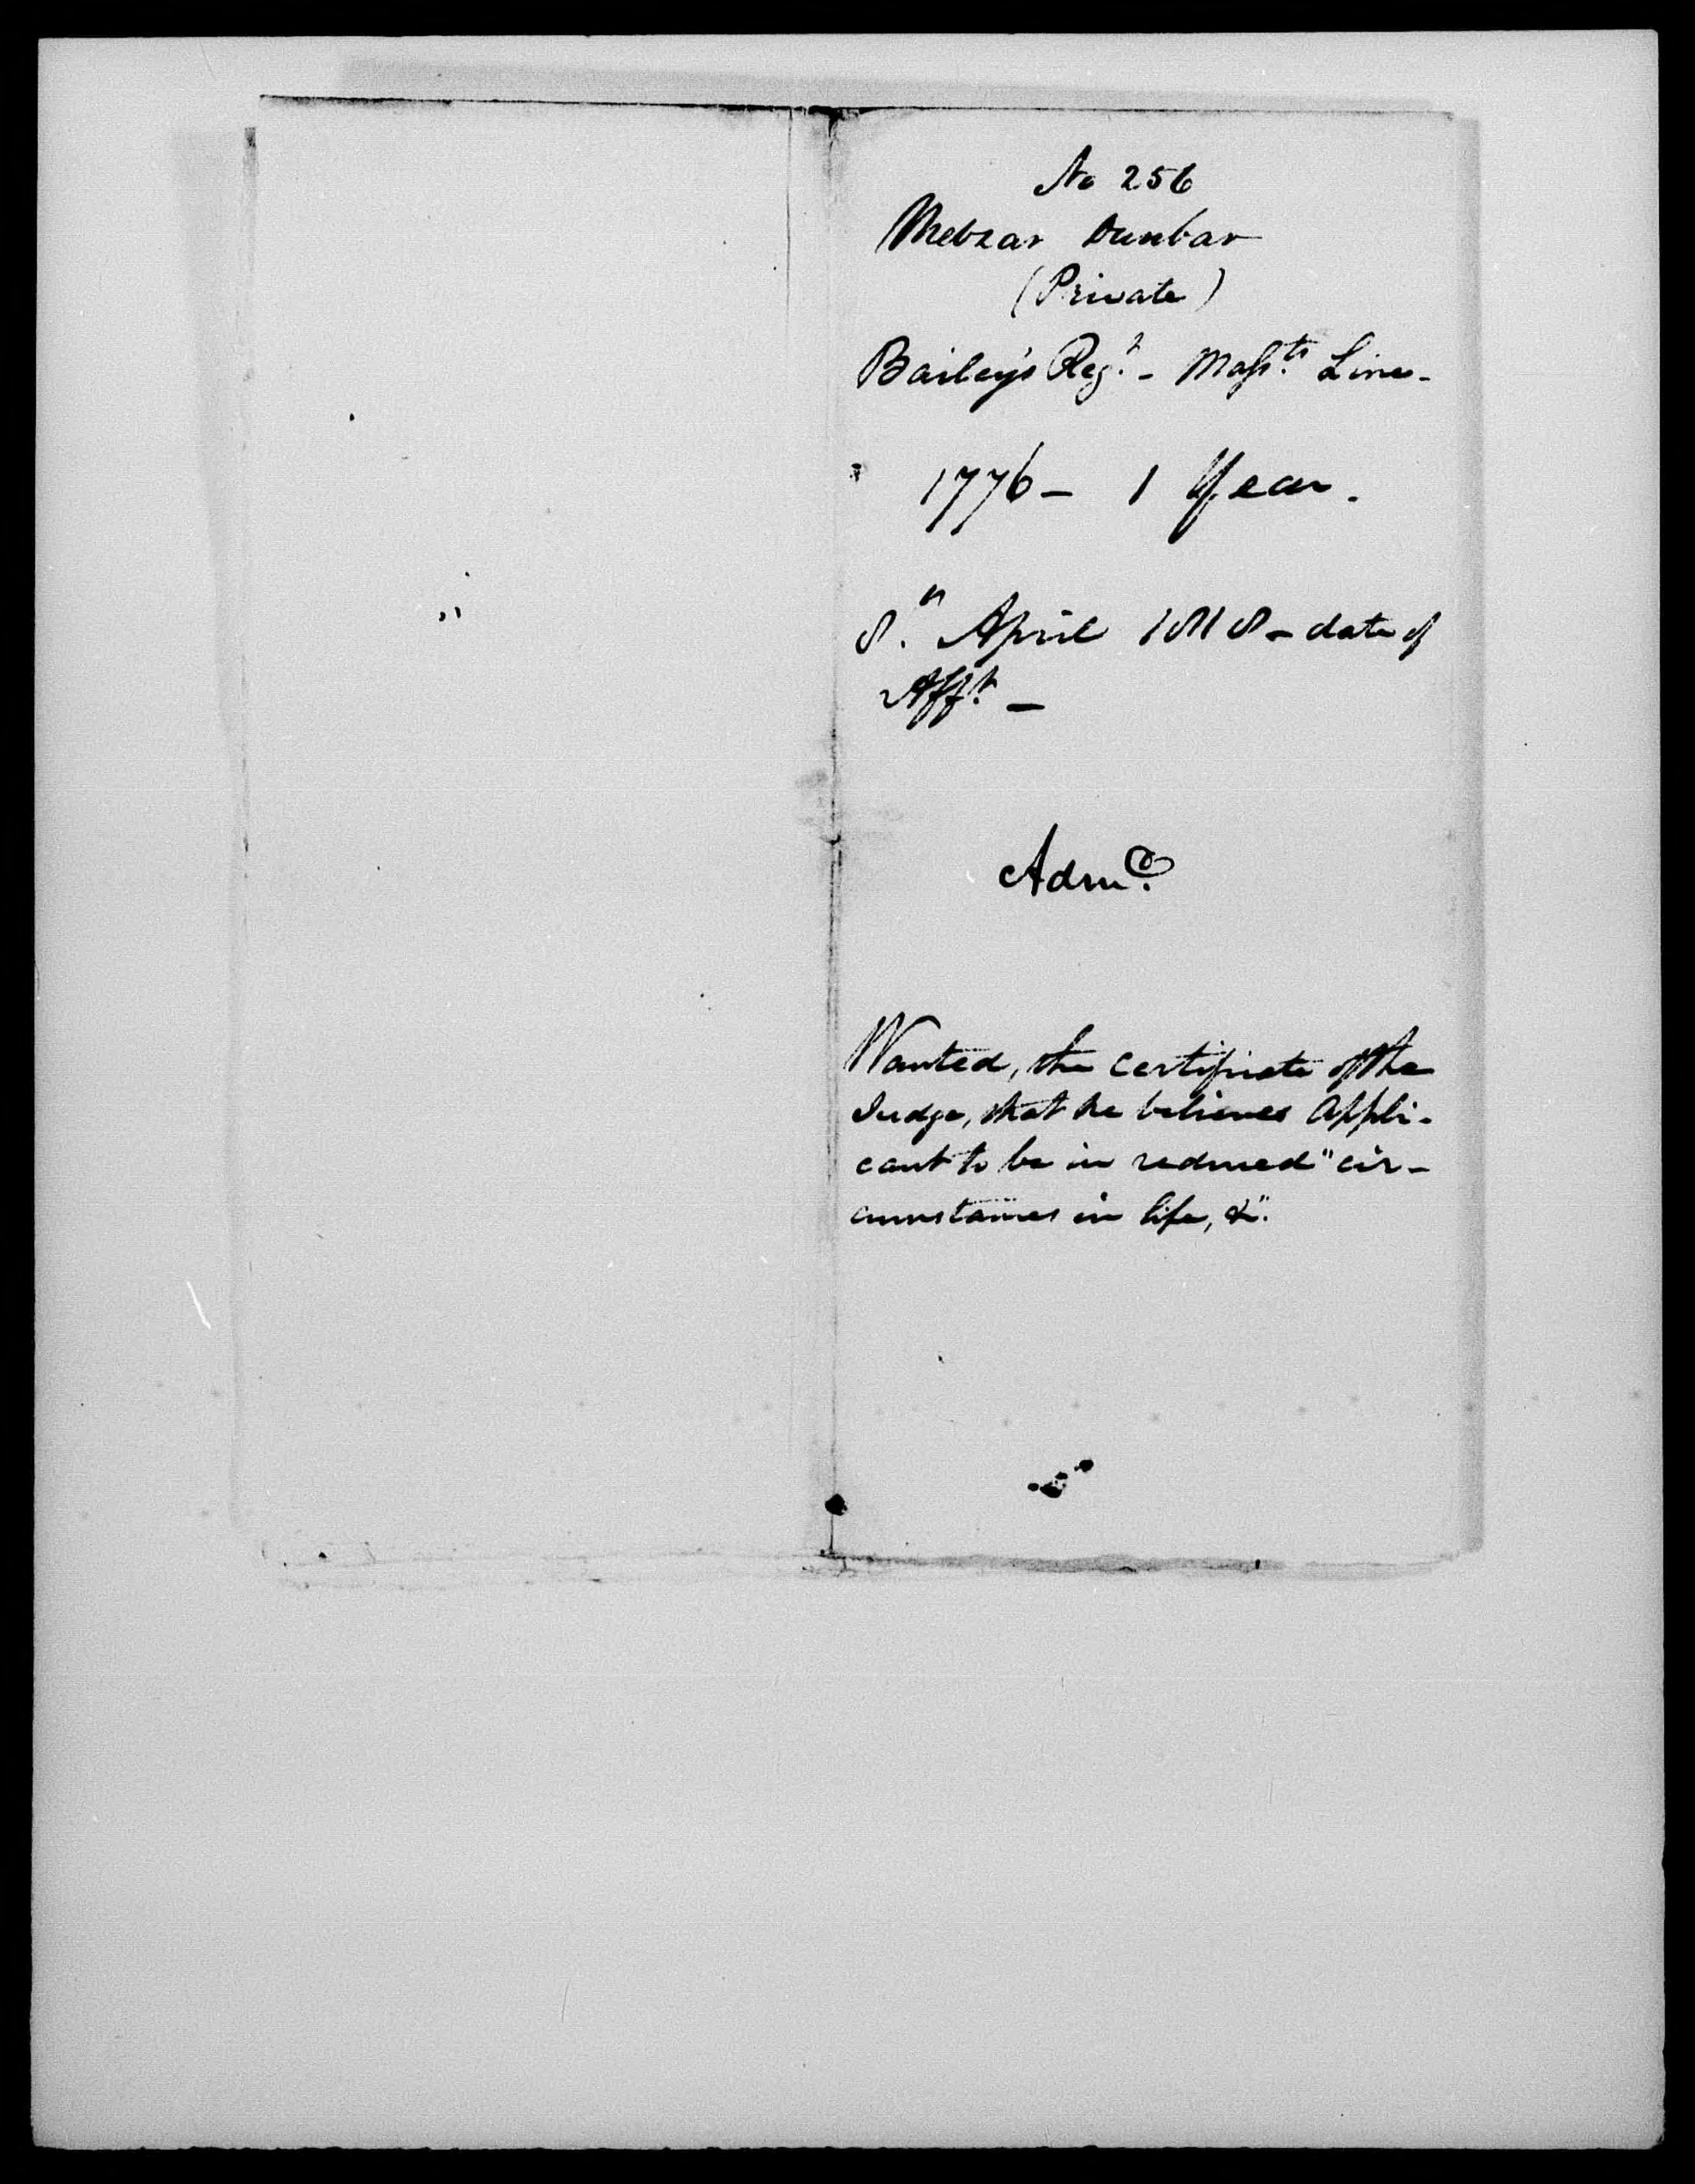No. 256

Melzar Dunbar
(Private)

Bailey's Regiment - Massachusetts Line

1776 - 1 year

8th April 1818 - date of Affidavit


Admitted

Wanted,the certificate of the Judge, that he believes applicant to be in reduced "circumstances" in life etc.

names: Melzar Dunbar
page: 9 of 26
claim: widow's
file: W. 14657, Melzar Dunbar, Mass.